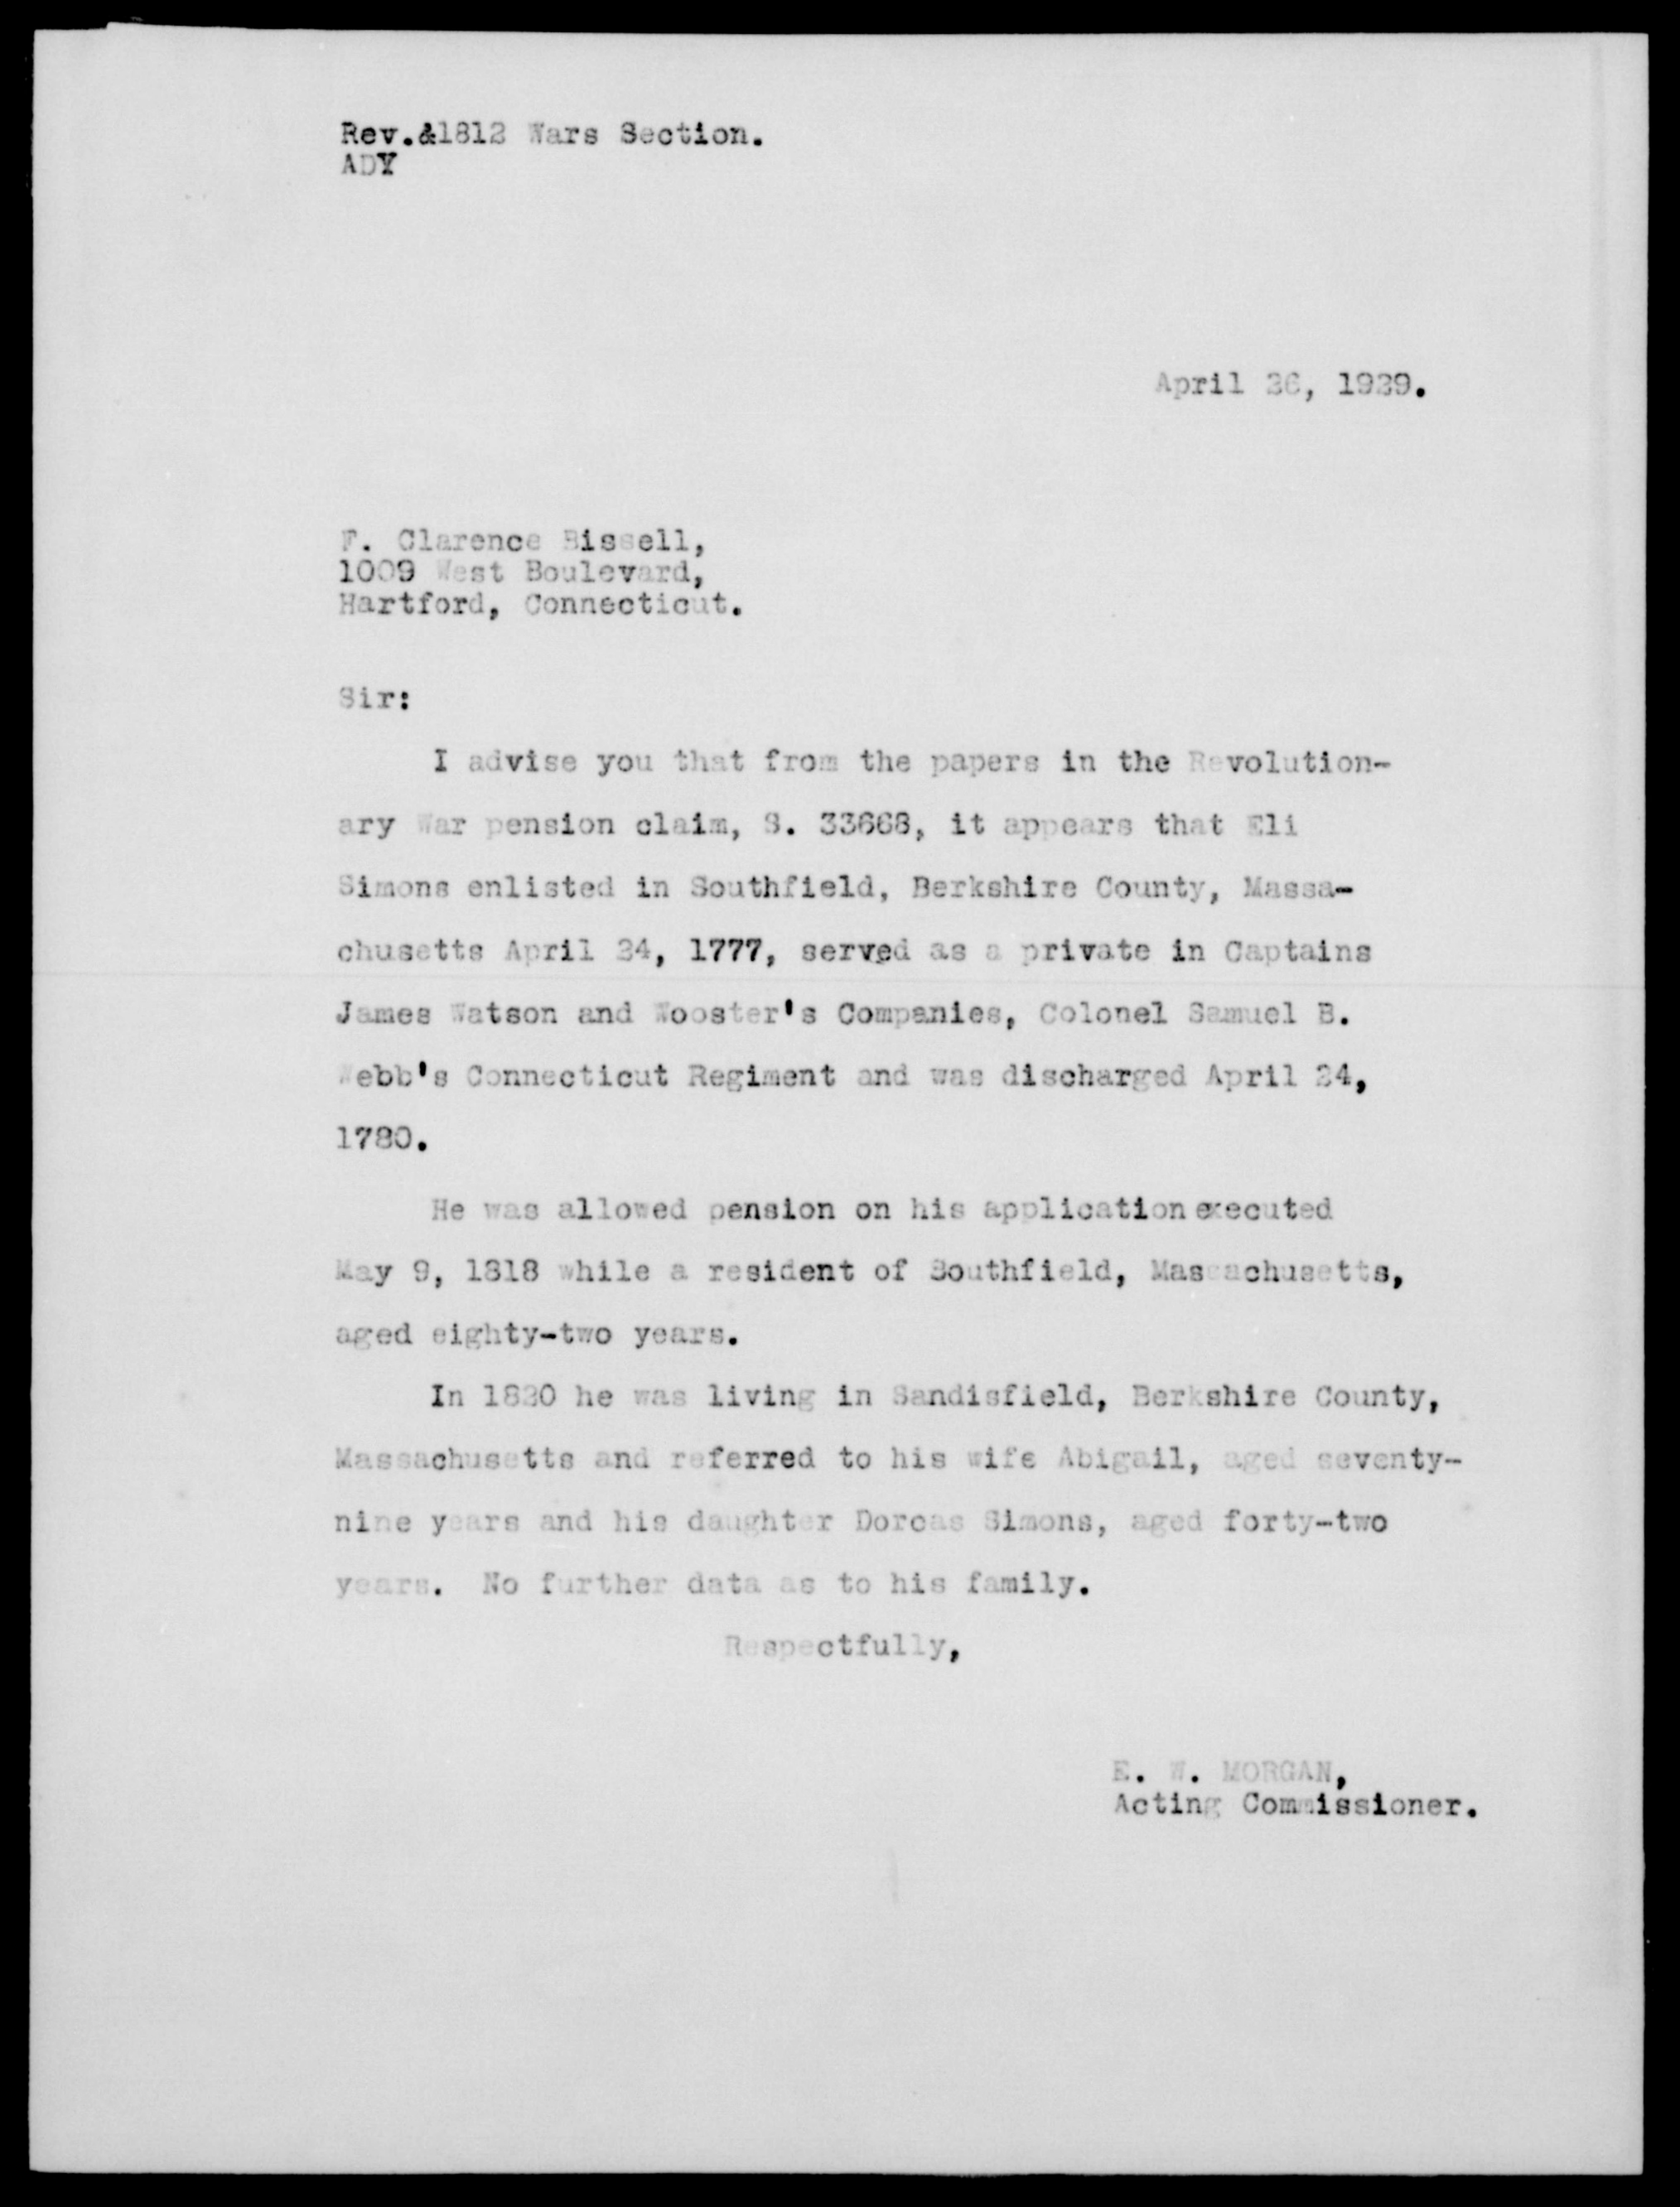Rev.&1812 Wars Section.
ADY

April 26, 1929.

F. Clarence Bissell,
1009 West Boulevard,
Hartford, Connecticut.
Sir:
I advise you that from the papers in the Revolutionary War pension claim, S. 33668, it appears that Eli Simons enlisted in Southfield, Berkshire County, Massachusetts April 24, 1777, served as a private in Captains James Watson and Wooster's Companies, Colonel Samuel B. Webb's Connecticut Regiment and was discharged April 24, 1780.
He was allowed pension on his application executed May 9, 1818 while a resident of Southfield, Massachusetts, aged eighty-two years.
In 1820 he was living in Sandisfield, Berkshire County, Massachusetts and referred to his wife Abigail, aged seventy-nine years and his daughter Dorcas Simons, aged forty-two years. No further data as to his family.
Respectfully,
E. W. Morgan,
Acting Commissioner.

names: E W Morgan; Abigail [BLANK]; Eli Simons; F Clarence Bissell; James Watson; Dorcas Simons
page: 14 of 20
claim: survivor's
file: S 33668, for Eli Simons, Connecticut